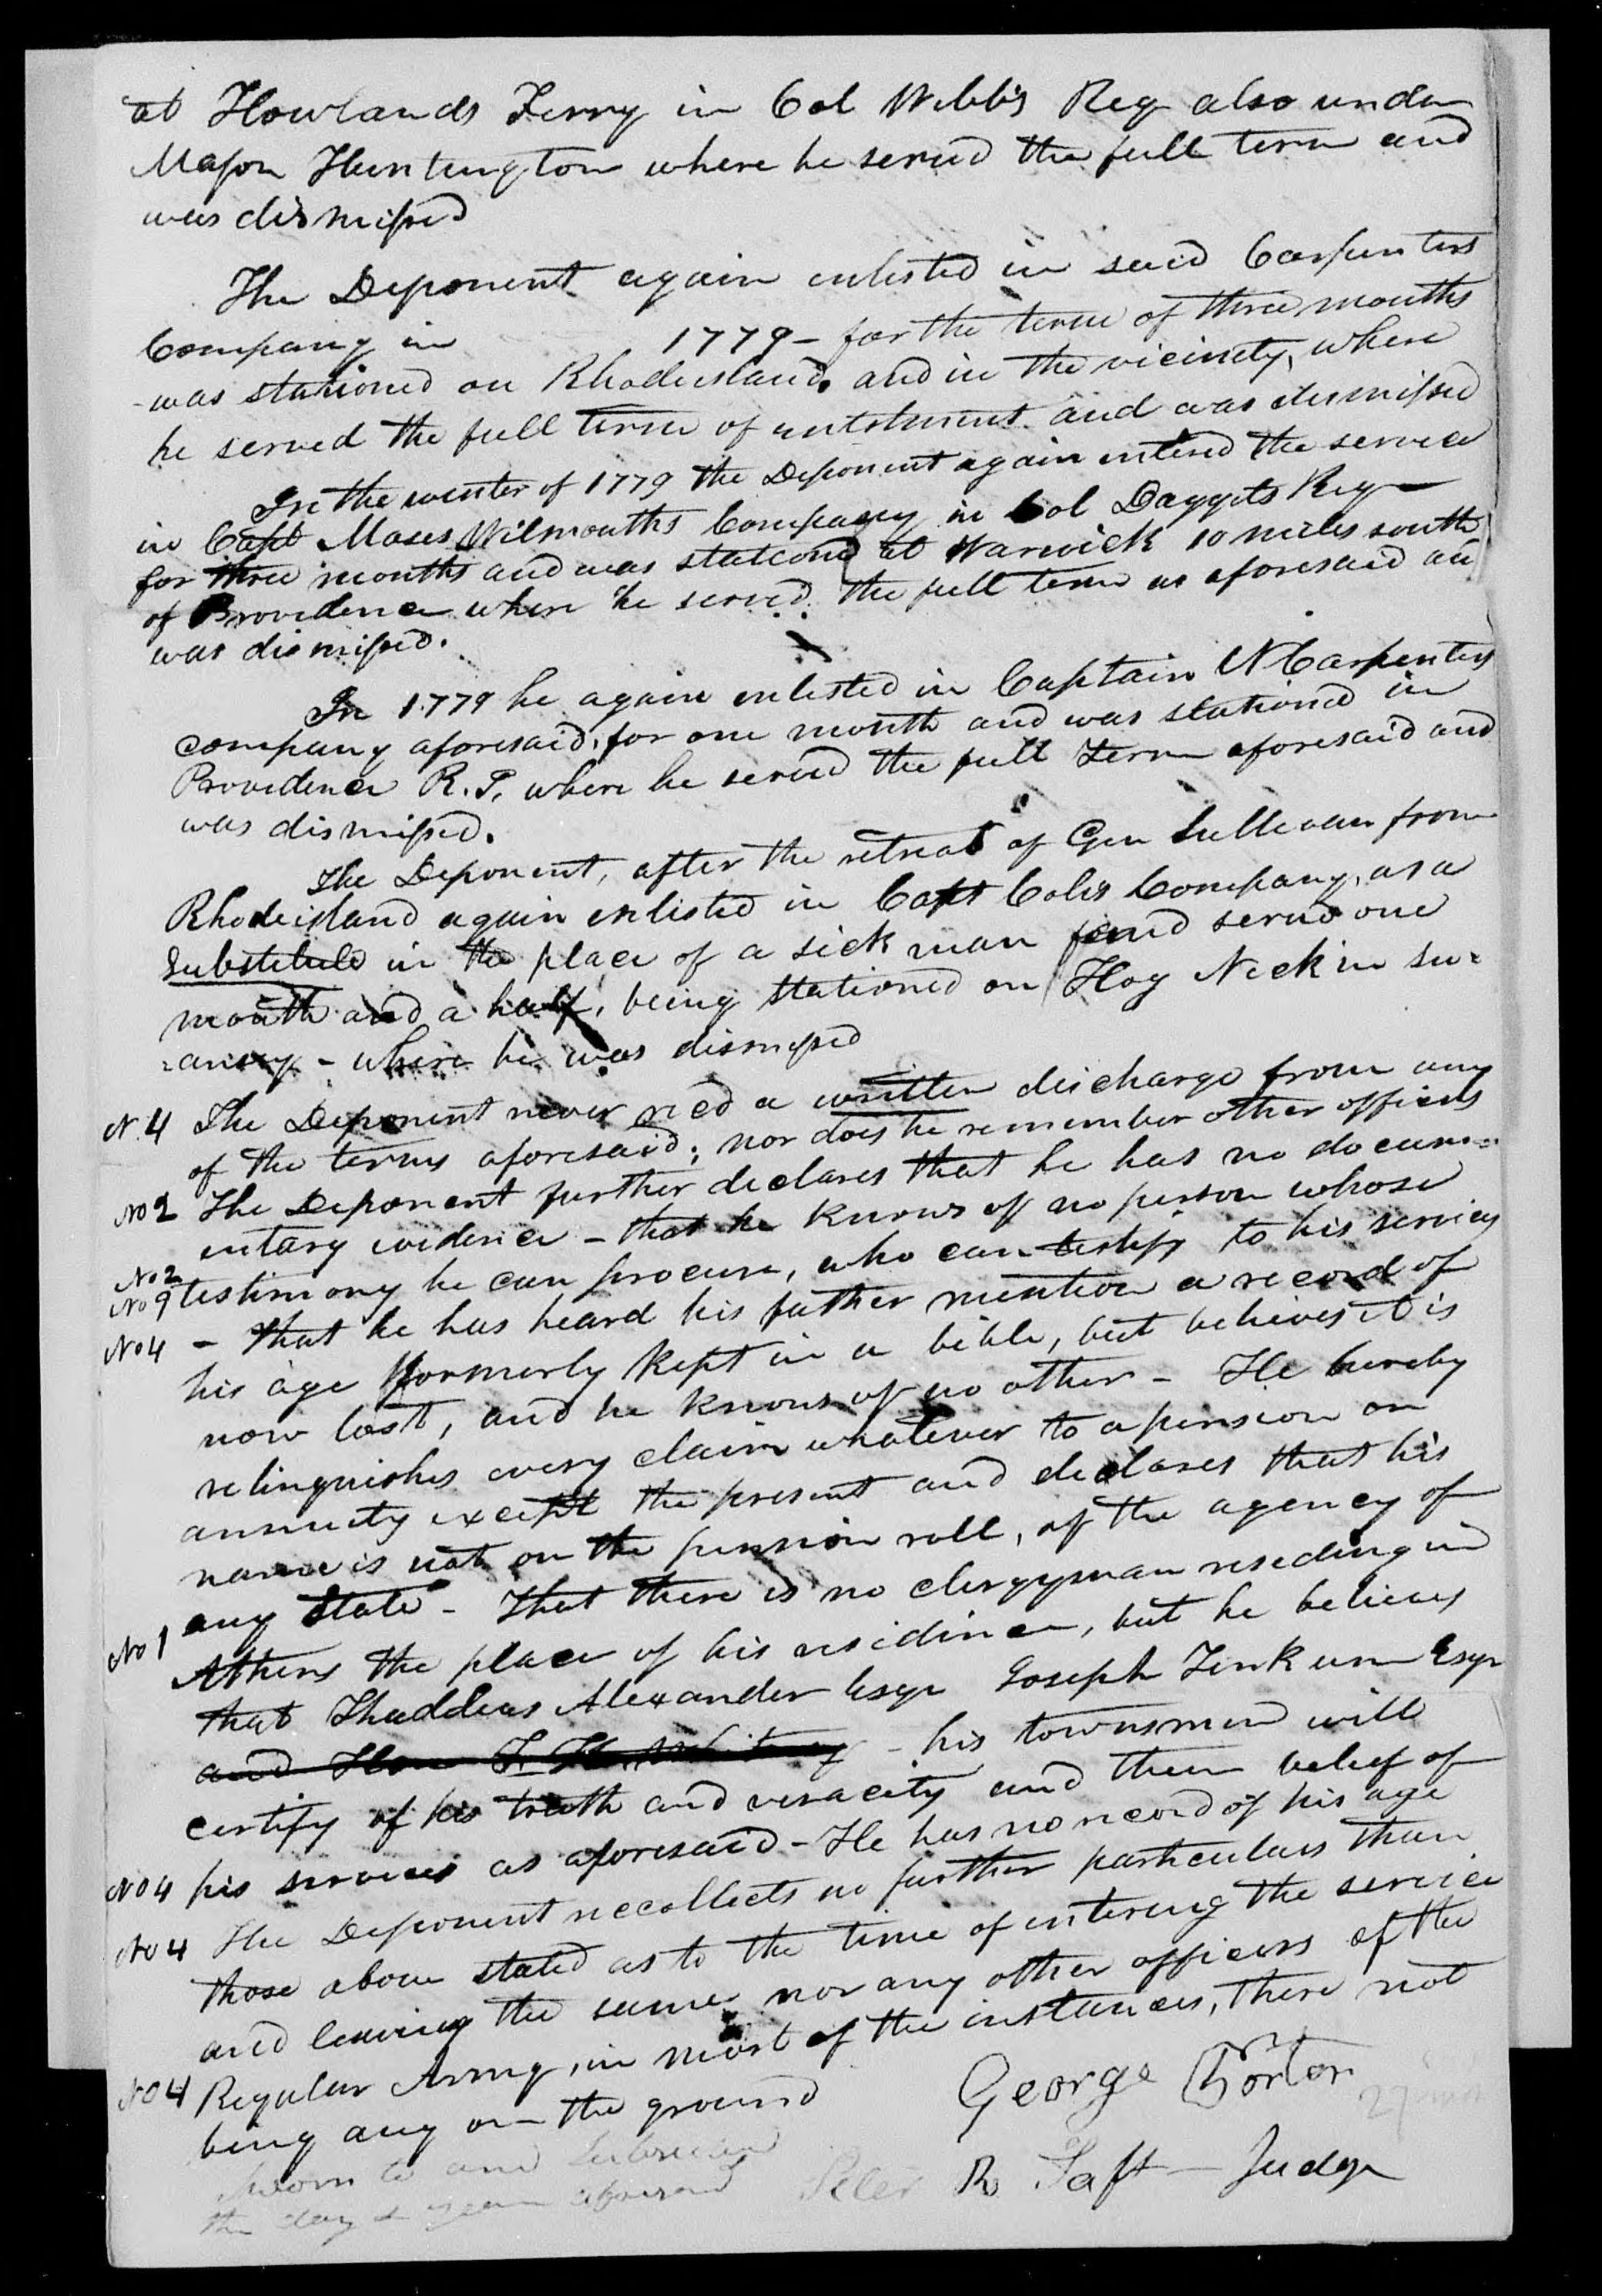at Howlands Ferry in Col Webb's Reg also under Major Huntington where he served the full term and was dismissed
The Deponent again enlisted in said Carpenters Company in 1779, for the term of three months was stationed on Rhodeisland, and in the vicinity, where he served the full term of enlistment and was dismissed
In the winter of 1779 the Deponent again entered the service in Capt Moses Wilmouths Company in Col. Daggets [Daggett's] Reg  for three months and was stationed at Warwick 10 miles south of Providence where he served the full term as aforesaid and was dismissed.
In 1779 he again enlisted in Captain N Carpenters company aforesaid, for one month and was stationed in Providence R.I. where he served the full term aforesaid and
was dismissed.
the Deponent, after the retreat of Gen Sullivan from Rhodeisland again enlisted in Capt Coles Company as a substitute in the place of a sick man and served one month and a half being stationed on Hog Neck in [illegible] where he was dismissed
N. 4  The Deponent never recd a written discharge from any of the term aforesaid; nor does he remember other officers
No 2  The Deponent further declares that he has no documentary evidence - that he knows of no person whose  No 2  No 9  testimony he can procure, who can testify to his service  No 4  - that he has heard his father mention a record of his age formerly kept in a bible, but believes it is now lost, and he knows of no other. He hereby relinquishes every claim whatever to a pension on annuity except the present and declares that his name is not on the pension roll, of the agency of any state. That there is no clergyman residing in  No 1  Athens the place of his residence, but he believes that Thaddeas Alexander Esqr Joseph Tinkum Esqr [crossed out: and Hon L [illegible]], his townsmen will
certify of his truth and veracity and their belief of  No 4  his services as aforesaid. He has no record of his age  No 4  The Deponent recollects no further particulars than those above stated as to the time of entering the service and leaving the same nor any other officers of the  No 4  Regular Army in most of the instances, there not being any on the ground
George Porter
Sworn to and Subscribed the day & year aforesaid
Peter R. Taft Judge

27 mos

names: [BLANK] Huntington; Thaddeas Alexander; Peter R Saft; George Porter; [BLANK] Sullivan; Joseph Tinkum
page: 5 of 49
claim: widow's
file: W. 2164, for George Porter, Massachusetts